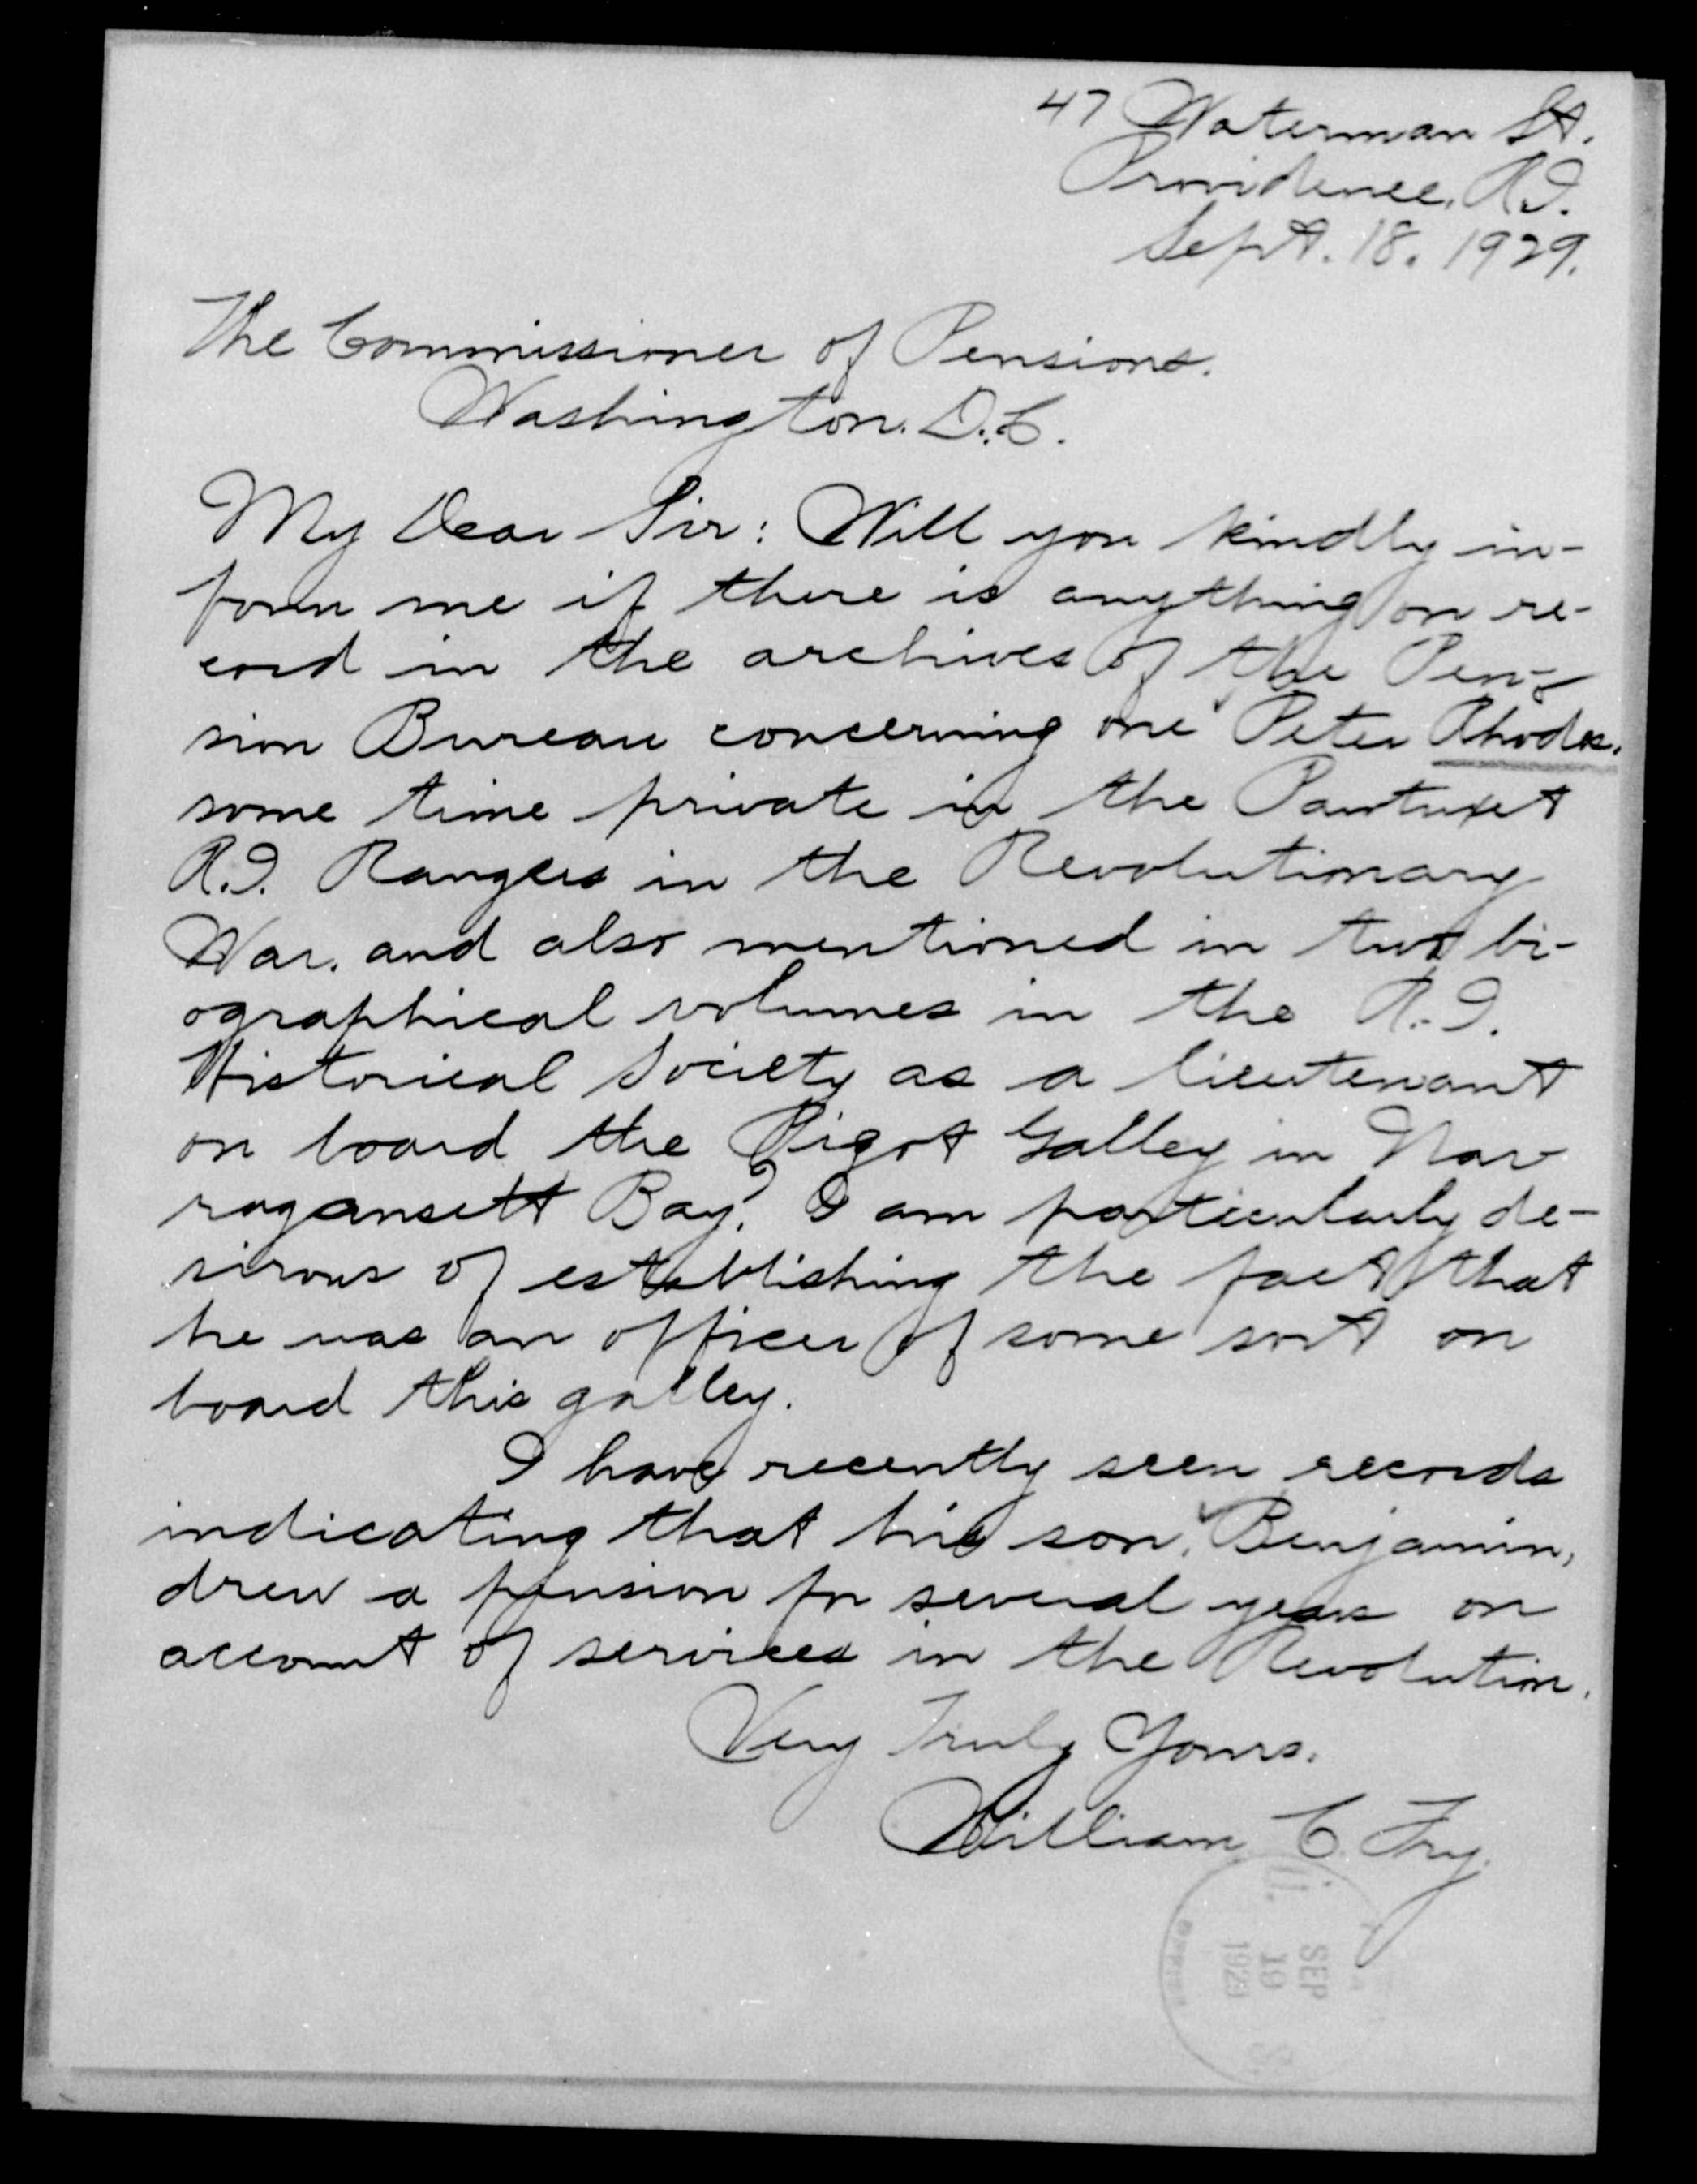47 Waterman St
Providence, R.I.
Sept. 18, 1929,
The Commissioner of Pensions
Washington, D.C.
My Dear Sir: Will you kindly inform
me if there is anything on record
in the archives of the Pension
Bureau concerning one Peter Rhodes,
some time private in the Pawtuxet
R.I. Rangers in the Revolutionary War
, and also mentioned in the biographical
volumes in the R.I. Historical Society as a lieutenant on board the Pigot Galley in Narragansett Bay. I am particularly desirous
of establishing the fact that
he was an officer of some sort on
board this galley.
I have recently seen records
indicating that his son, Benjamin,
drew a pension for several years on
account of service in the Revolution.
Very Truly Yours
William C Fry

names: Benjamin [BLANK]; Peter Rhodes; William C Fry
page: 41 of 50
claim: widow's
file: W. 22058, for Benjamin Rhodes, Rhode Island